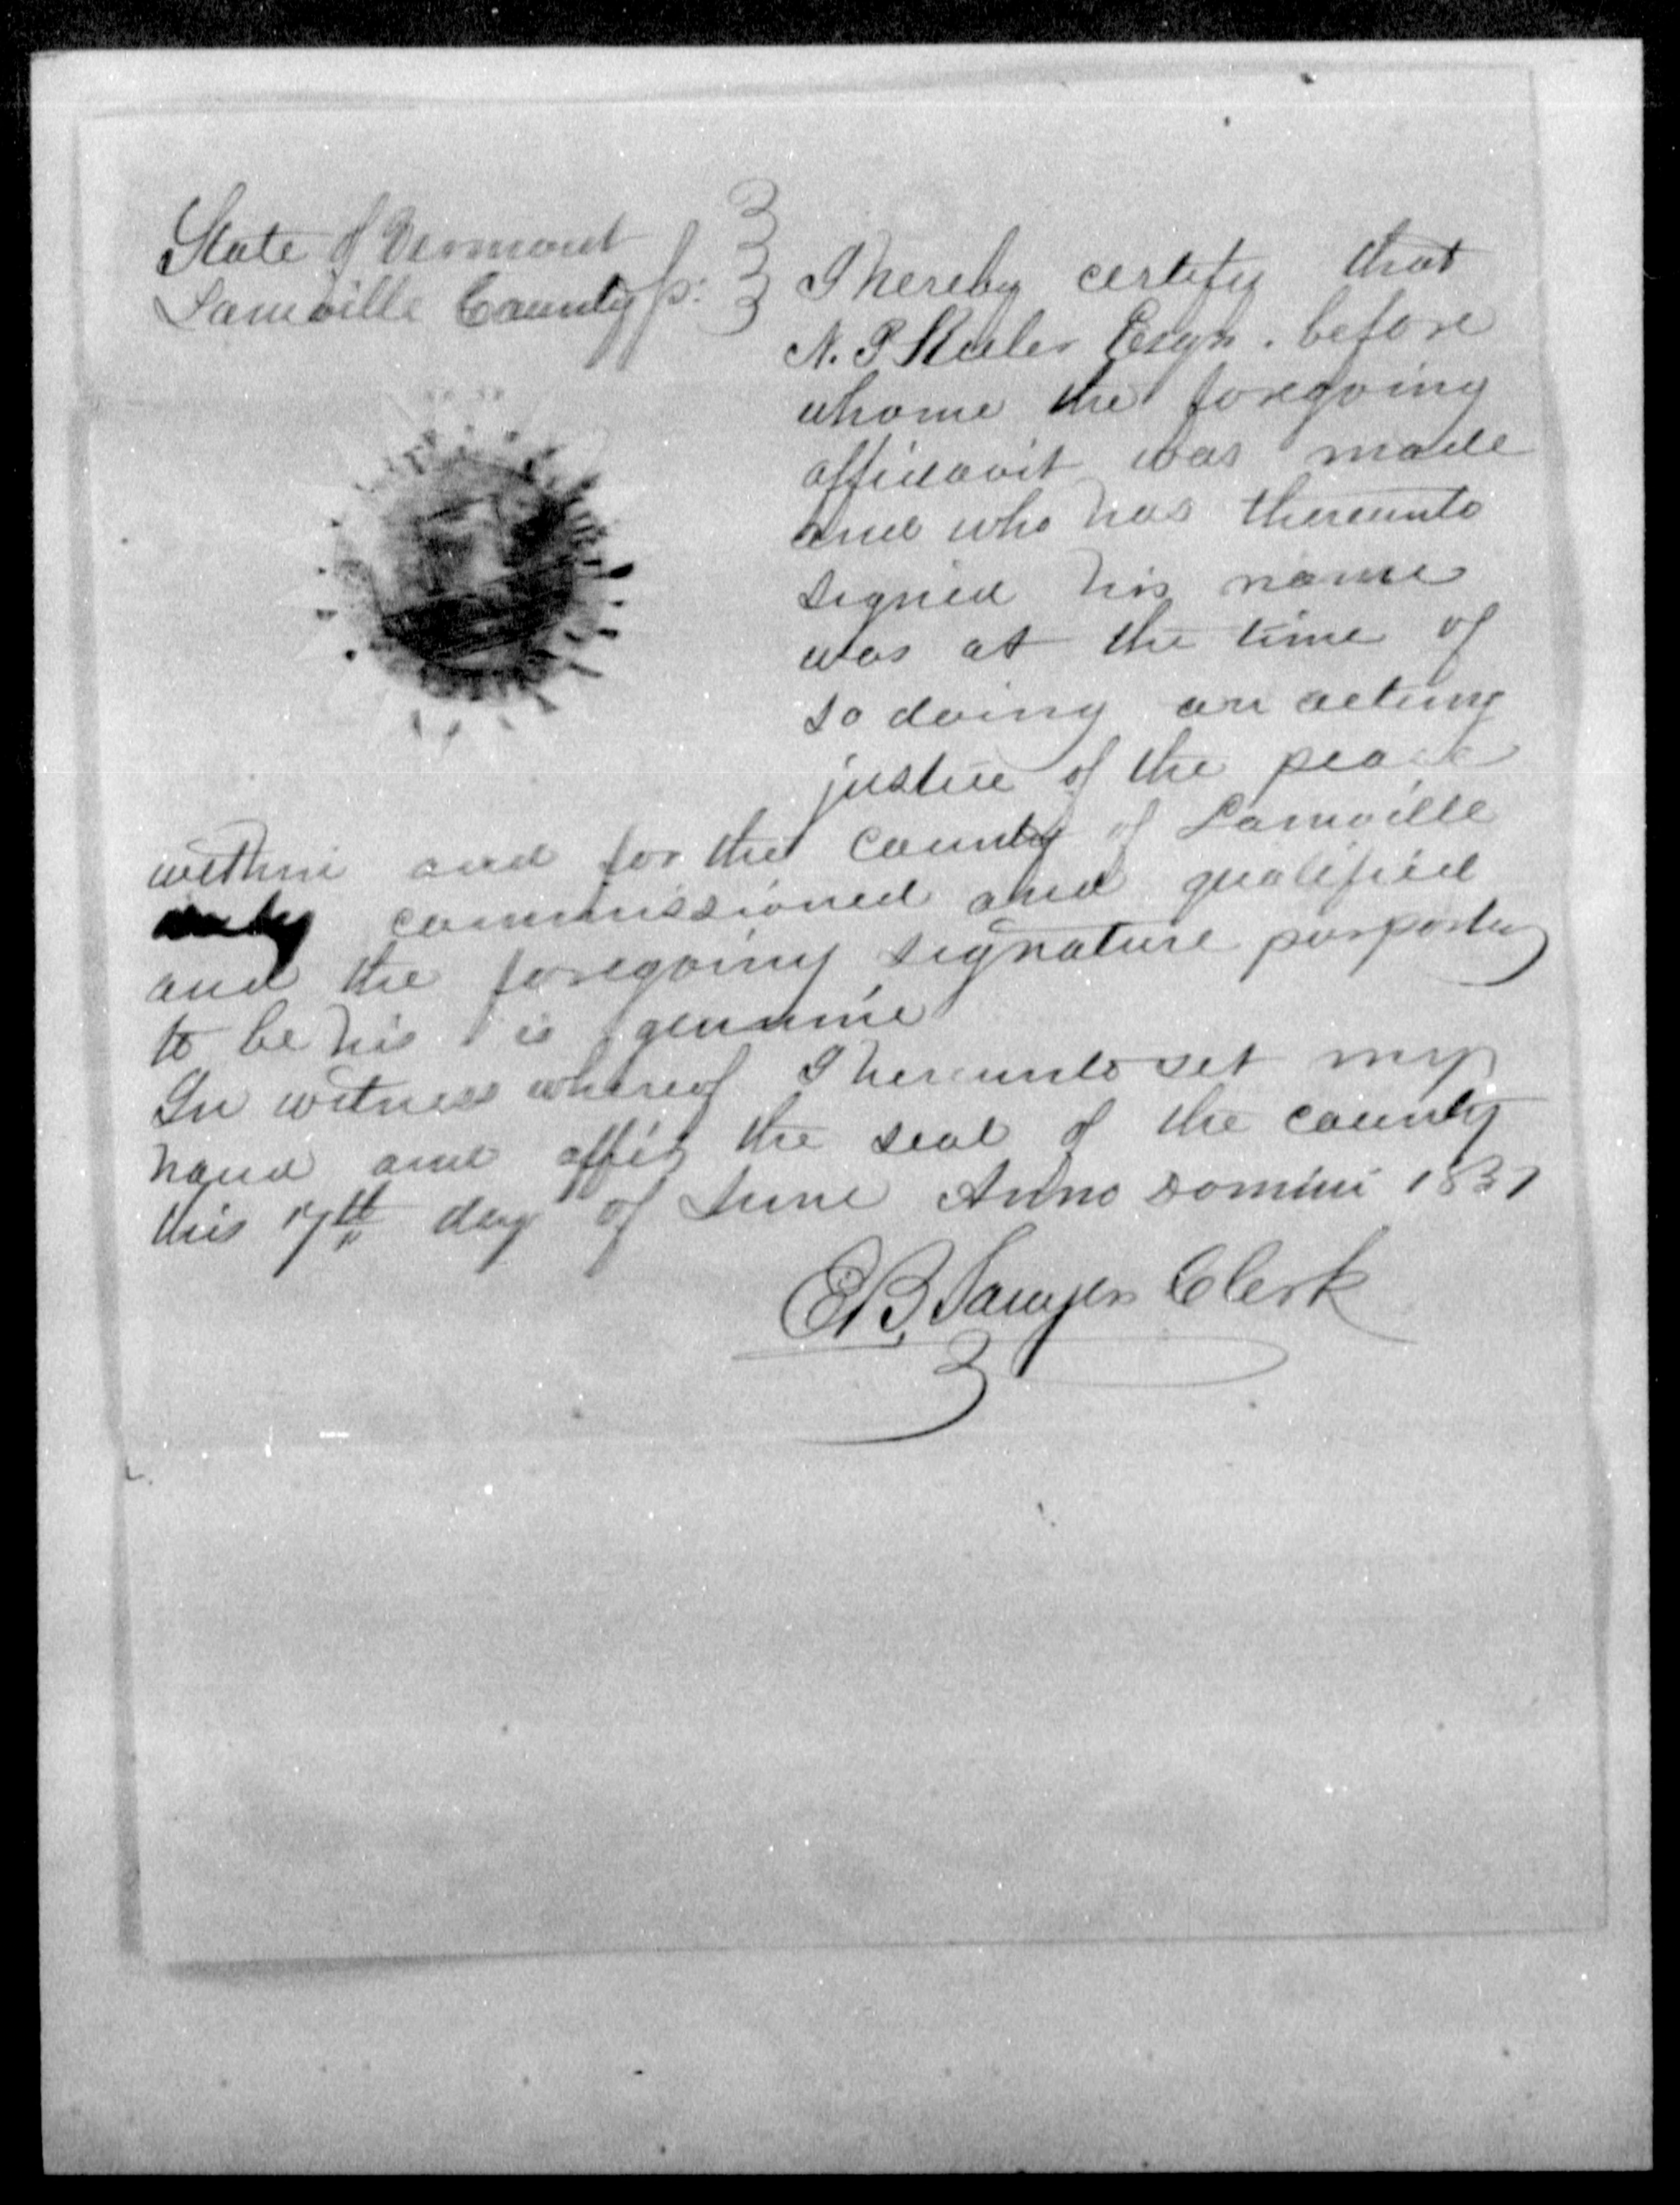State of Vermont}
Lamoille County ss}

I hereby certify that N.P. Keeler Esq. before whom the foregoing affidavit was made and who has thereunto signed his name was at the time of so doing an acting justice of the peace within and for the county of Lamoille, commissioned and qualified and the foregoing signature purported to be his is genuine.
In witness whereof I hereunto set my hand and affix the seal of the county this 7th day of June  Anno Domini  1837.

E. B. Sawyer     Clerk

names: N P Keeler; E B Sawyer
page: 28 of 30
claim: rejected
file: R. 8625, for Elisha Razar, Connecticut